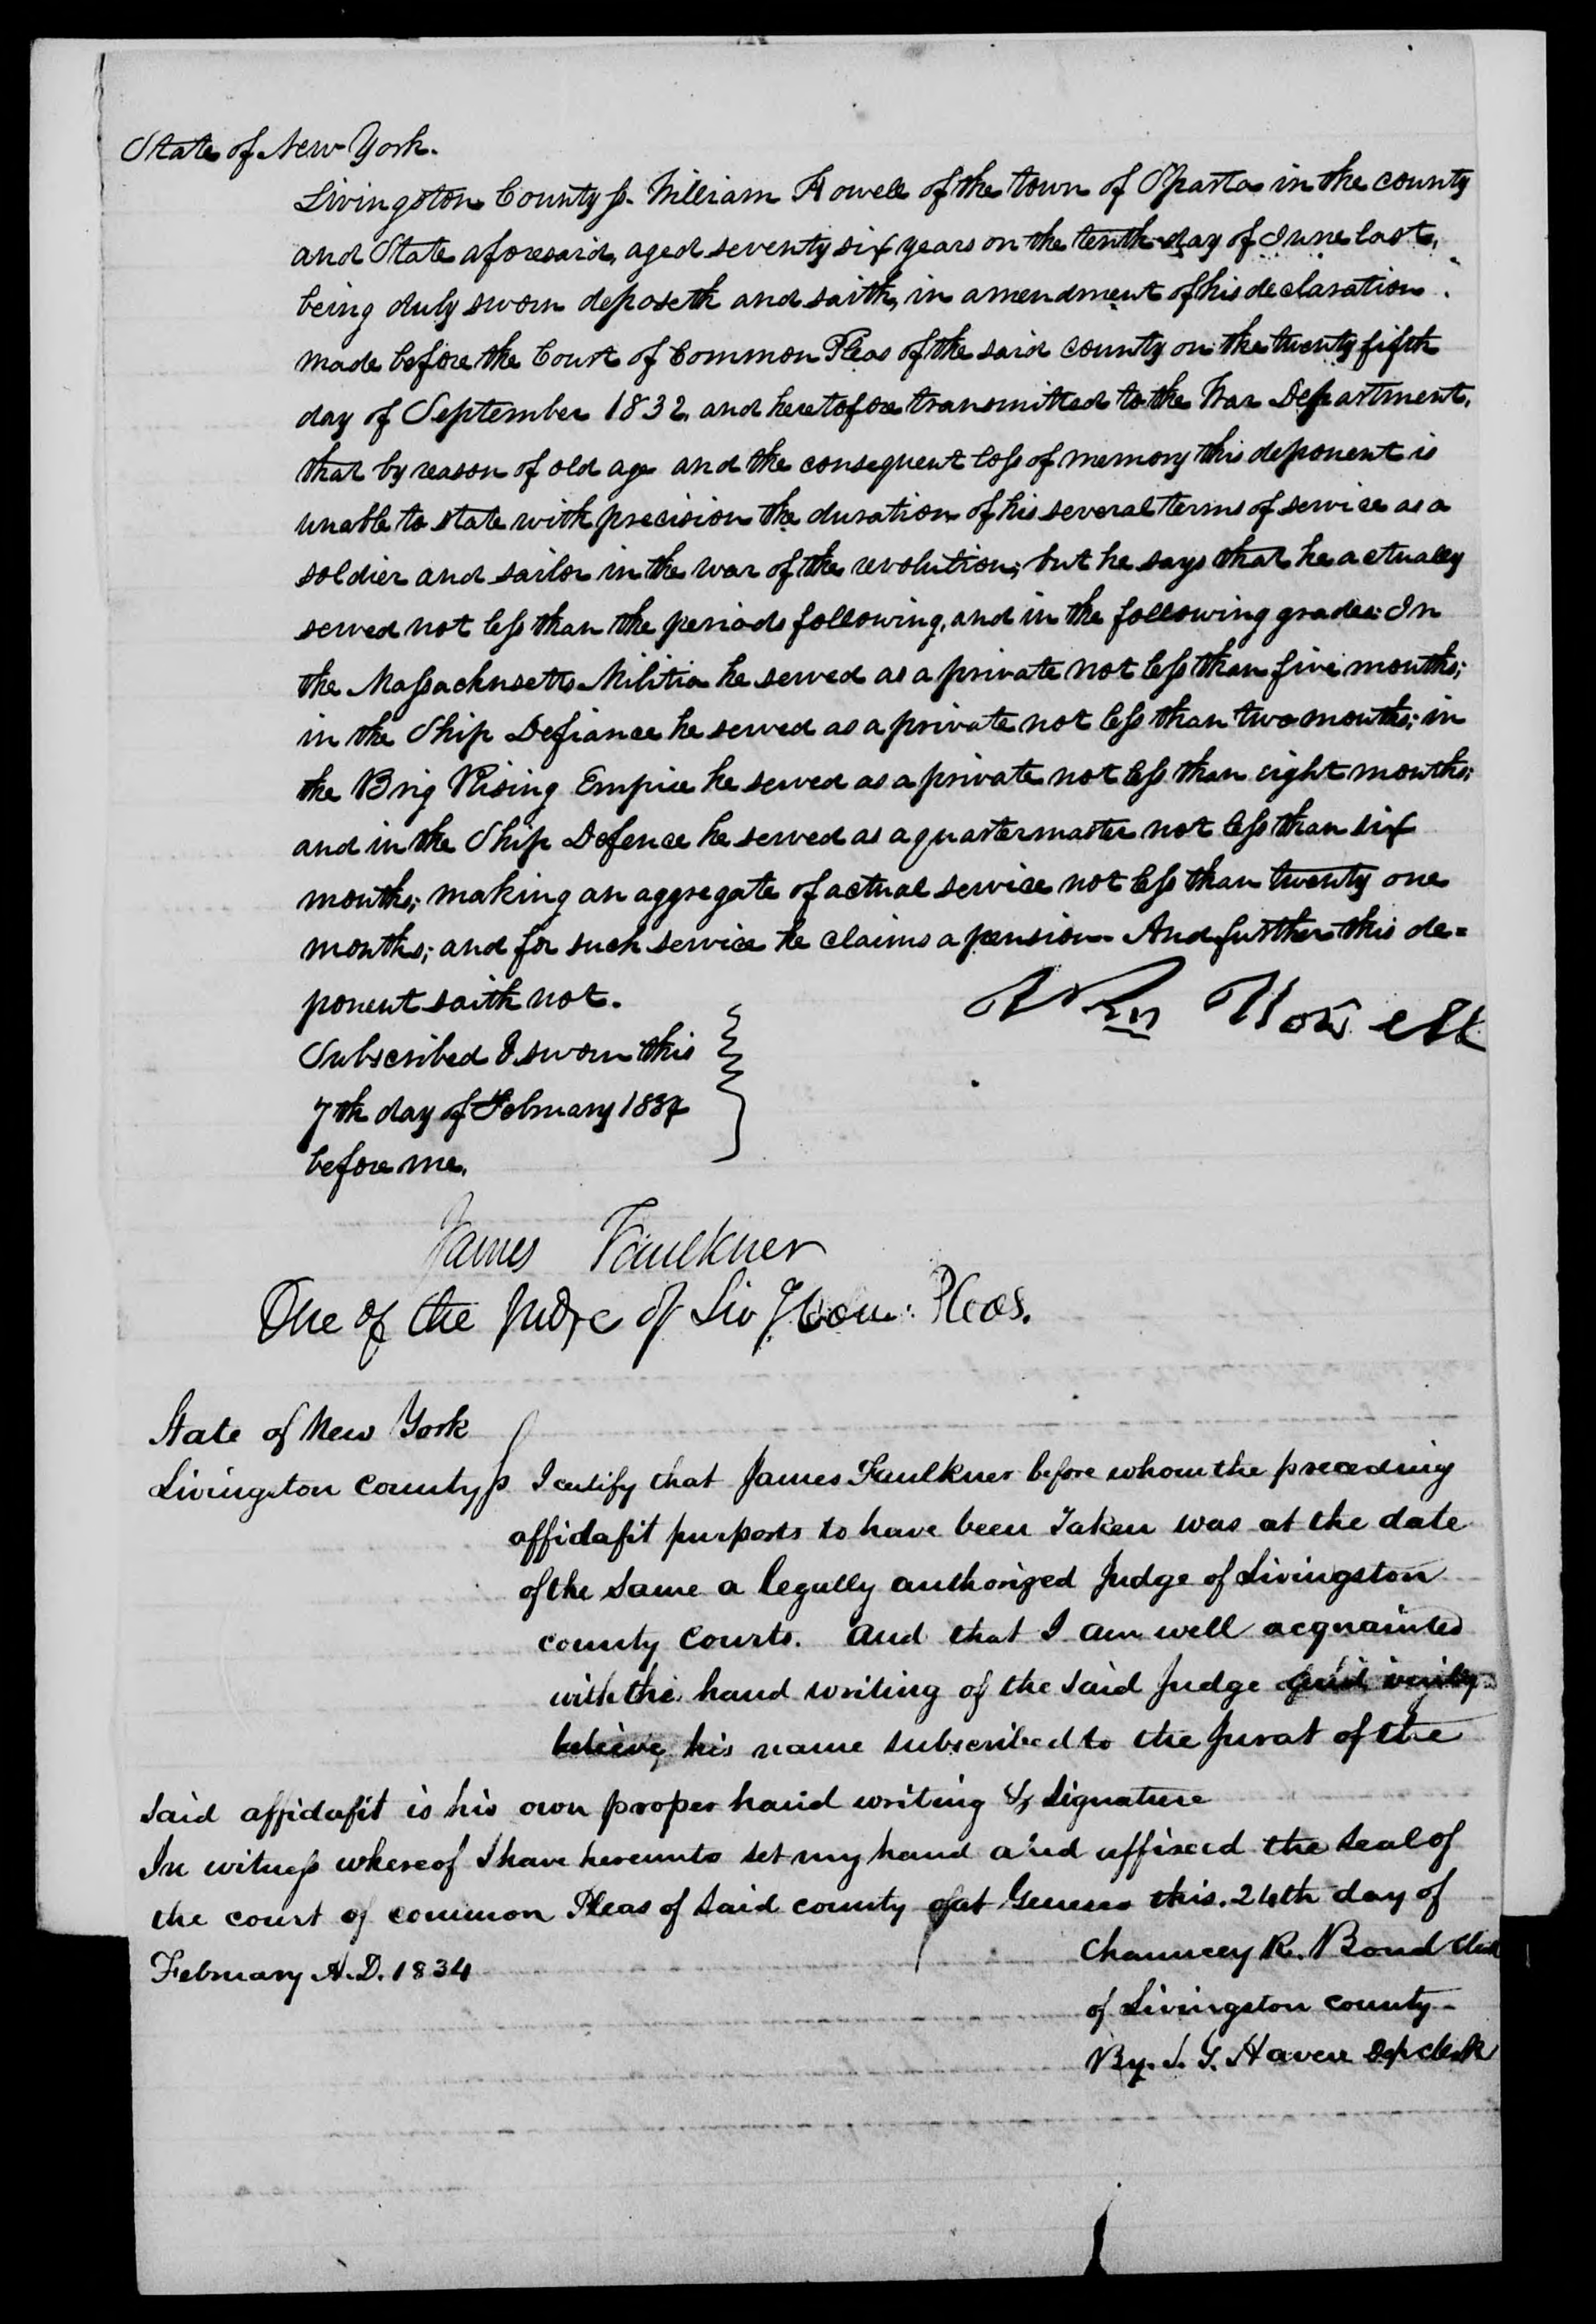State of New York

Livingston County ss. William Howell of the town of Sparta in the county and state aforesaid, aged  seventy six years on the tenth day of June last, being duly sworn {/} and saith, in amendment of this declaration, made before the Court of Common Please of the said county on the twenty fifth day of September 1832 and heretofore transmitted to the War Department, unable to state with precision the duration of his serveral terms of service as a soldier and sailor in the war of the revolution, but he says that he actually served not less than the periods following grades. In the following grades. In the Massachusetts Militia he served as a private not less than five months; in the Ship Defiance he servied as a private not less than two months; in the Brig Rising Empire he served as a private not less than eight months; and in the Ship Defence he servied as a quartermaster not less than six months; making an aggreegate of actual services not less than twenty one months; and for such service he claims a pension And further this deponent saith not. 

Signature of Wm. Howell

Subscribed & sworn thie 7th day of February 1834 before me
Signature of James Faulkner  Livingston Pleas. 
One of the Judge of Livinstron Court Pleas.

State of New York 
Livingston county ss  I certify that James Faulkner before whom the proceding affidavit purposes to have been taken was at the date of the Same a legally authorized Judge of Livingston county courts. And that I am well acquainted with the hand writing of the said Judge same subscribed to the first of the Said affidavit is his own proper hand writing & Signature

In writing whereof I have hereunto set my hand and affixed the seal of the court comm Please of said county at [?] this 24th day of February A.D. 1834

Chauncey R. Bond Clerk
of Livingston county 
By. L. G. Haven Dept Clerk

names: James Faulkner, Chauncey R Bond, William Howell, S G Haven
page: 15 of 18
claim: survivor's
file: S. 18,039, William Howell, Conn. Sea Service Mass. And Mass. Sea Service Privateer